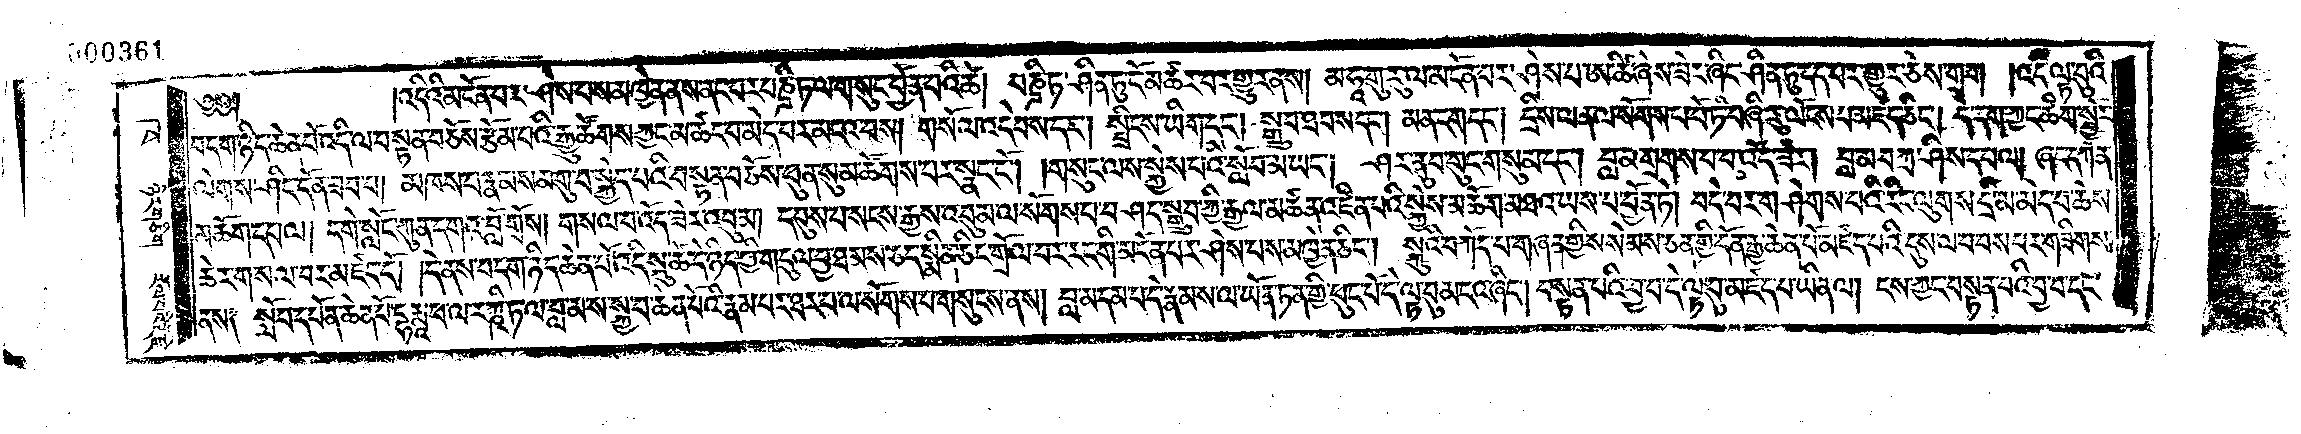༄༅། །འདིའི་མངོན་པར་ཤེས་པས་མཁྱེན་ནས་ནང་པར་པཎྜི་ཏ་ལ་གསུང་བྱོན་པའི་ཚེ། པཎྜི་ཏ་ཤིན་ཏུ་ངོ་མཚར་བར་གྱུར་ནས། མཧཱ་གུ་རུ་ལ་མངོན་པར་ཤེས་པ་ཨ་ཚི་ཞེས་ཟེར་ཞིང་ཤིན་ཏུ་དད་པར་གྱུར་ཅེས་གྲག །འདི་ལྟ་བུའི་
བདག་ཉིད་ཆེན་པོ་འདི་ལ་བསྟན་བཅོས་རྩོམ་བའི་རྒྱུ་ཚོགས་ཀྱང་མ་ཚང་བ་མེད་པར་མངའ་བས། གསོལ་འདེབས་དང་། སྤྲིངས་ཡིག་དང་། སྒྲུབ་ཐབས་དང་། མན་ངག་དང་། དྲིས་ལན་ལ་སོགས་པ་པོ་ཏི་བཞི་རུ་ལོངས་པ་མཛད་ཅིང་། དེ་དག་ཀྱང་ཚིག་སྦྱོར་
ལེགས་ཤིང་དོན་ཟབ་པ། མཁས་པ་རྣམས་མགུ་བ་སྐྱེད་པའི་བསྟན་བཅོས་ཕུན་སུམ་ཚོགས་བར་སྣང་ངོ། །གསུང་ལས་སྐྱེས་པའི་སློབ་མ་ཡང་། ཤར་ནུབ་གུང་གསུམ་དང་། བླ་མ་གྲགས་པ་བུ་འོད་ཟེར། བླ་མ་བཀྲ་ཤིས་དཔལ། ཞང་དཀོན་
མཆོག་དཔལ། དགེ་སློང་ཀུན་དགའ་བློ་གྲོས། གསལ་བ་འོད་ཟེར་འབུམ། དབུས་པ་སངས་རྒྱས་འབུམ་ལ་སོགས་པ་བཤད་སྒྲུབ་ཀྱི་རྒྱལ་མཚན་འཛིན་པའི་སྐྱེས་མཆོག་མཐའ་ཡས་པ་བྱོན་ཏེ། བདེ་བར་གཤེགས་པའི་རིང་ལུགས་དྲི་མ་མེད་པ་ཆེས་
ཆེར་གསལ་བར་མཛད་དོ། །དེ་ནས་བདག་ཉིད་ཆེན་པོ་འདི་སྐུ་ཚེ་དེ་ཉིད་ཀྱི་གདུལ་བྱ་ཐམས་ཅད་སྨིན་ཅིང་གྲོལ་བར་རང་གི་མངོན་པར་ཤེས་པས་མཁྱེན་ཅིང་། སྐུའི་བཀོད་པ་གཞན་གྱིས་སེམས་ཅན་གྱི་དོན་རྒྱ་ཆེན་པོ་མཛད་པའི་དུས་ལ་བབས་པར་གཟིགས་
ནས༑ སློབ་དཔོན་ཆེན་པོ་དྷརྨཱ་ཕ་ལ་རཀྵི་ཏ་ལ་བླ་མས་སྐྱ་བ་ཆེན་པོའི་རྣམ་པར་ཐར་པ་ལ་སོགས་པ་གསུངས་ནས། བླ་མ་དམ་པ་དེ་རྣམས་ལ་ཡོན་ཏན་གྱི་ཕུང་པོ་དེ་ལྟ་བུ་མངའ་ཞིང་། བསྟན་པའི་བྱ་བ་དེ་ལྟ་བུ་མཛད་པ་ཡིན་ལ། ངས་ཀྱང་བསྟན་པའི་བྱ་བ་དང་